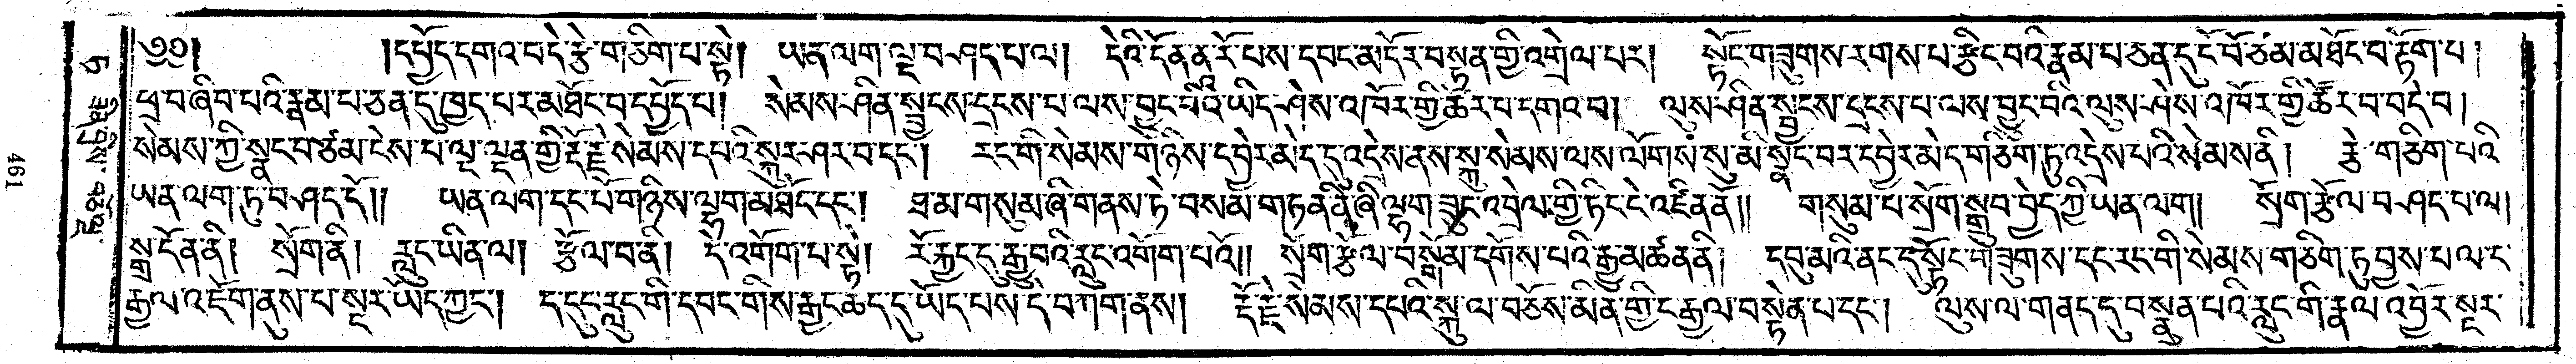༄༅། །དཔྱོད་དགའ་བདེ་རྩེ་གཅིག་པ་སྟེ། ཡན་ལག་ལྔ་བཤད་པ་ལ། དེའི་དོན་ནཱ་རོ་པས་དབང་མདོར་བསྟན་གྱི་འགྲེལ་པར། སྟོང་གཟུགས་རགས་པ་རྩིང་བའི་རྣམ་པ་ཅན་དུ་ངོ་བོ་ཙམ་མཐོང་བ་རྟོག་པ།
ཕྲ་བ་ཞིབ་པའི་རྣམ་པ་ཅན་དུ་ཁྱད་པར་མཐོང་བ་དཔྱོད་པ། སེམས་ཤིན་སྦྱངས་དྲངས་པ་ལས་བྱུང་བའི་ཡིད་ཤེས་འཁོར་གྱི་ཚོར་བ་དཀའ་བ། ལུས་ཤིན་སྦྱངས་དྲངས་པ་ལས་བྱུང་བའི་ལུས་ཤེས་འཁོར་གྱི་ཚོར་བ་བདེ་བ།
སེམས་ཀྱི་སྣང་བ་ཙམ་ངེས་པ་ལྔ་ལྡན་གྱི་རྡོ་རྗེ་སེམས་དཔའི་སྐུར་ཤར་བ་དང་། རང་གི་སེམས་གཉིས་དབྱེར་མེད་དུ་འདྲེས་ནས་སྐུ་སེམས་ལས་ལོགས་སུ་མི་སྣང་བར་དབྱེར་མེད་གཅིག་ཏུ་འདྲེས་པའི་སེམས་ནི། རྩེ་གཅིག་པའི་
ཡན་ལག་ཏུ་བཤད་དོ།། ཡན་ལག་དང་པོ་གཉིས་ལྷག་མཐོང་དང་། ཐ་མ་གསུམ་ཞི་གནས་ཏེ་བསམ་གཏན་ནི་ཞི་ལྷག་ཟུང་འབྲེལ་གྱི་ཏིང་ངེ་འཛིན་ནོ།། གསུམ་པ་སྲོག་སྒྲུབ་བྱེད་ཀྱི་ཡན་ལག། སྲོག་རྩོལ་བཤད་པ་ལ།
སྒྲ་དོན་ནི། སྲོག་ནི། རླུང་ཡིན་ལ། རྩོལ་པ་ནི། དེ་འགོག་པ་སྟེ། རོ་རྐྱང་དུ་རྒྱུ་བའི་རླུང་འགོག་པའོ།། སྲོག་རྩོལ་བསྒོམ་དགོས་པའི་རྒྱུ་མཚན་ནི། དབུ་མའི་ནང་དུ་སྟོང་གཟུགས་དང་རང་གི་སེམས་གཅིག་ཏུ་བྱས་པ་ལ་ང་
རྒྱལ་འཇོག་ནུས་པ་སྔར་ཡང་ཀྱང་། ད་དུང་རླུང་གི་དབང་གིས་རྒྱང་ཆད་དུ་ཡོད་པས་དེ་བཀག་ནས། རྡོ་རྗེ་སེམས་དཔའི་སྐུ་ལ་བཅོས་མིན་གྱི་ང་རྒྱལ་བསྟེན་པ་དང་། ལུས་ལ་གནད་དུ་བསྣུན་པའི་རླུང་གི་རྣལ་འབྱོར་སྔར་